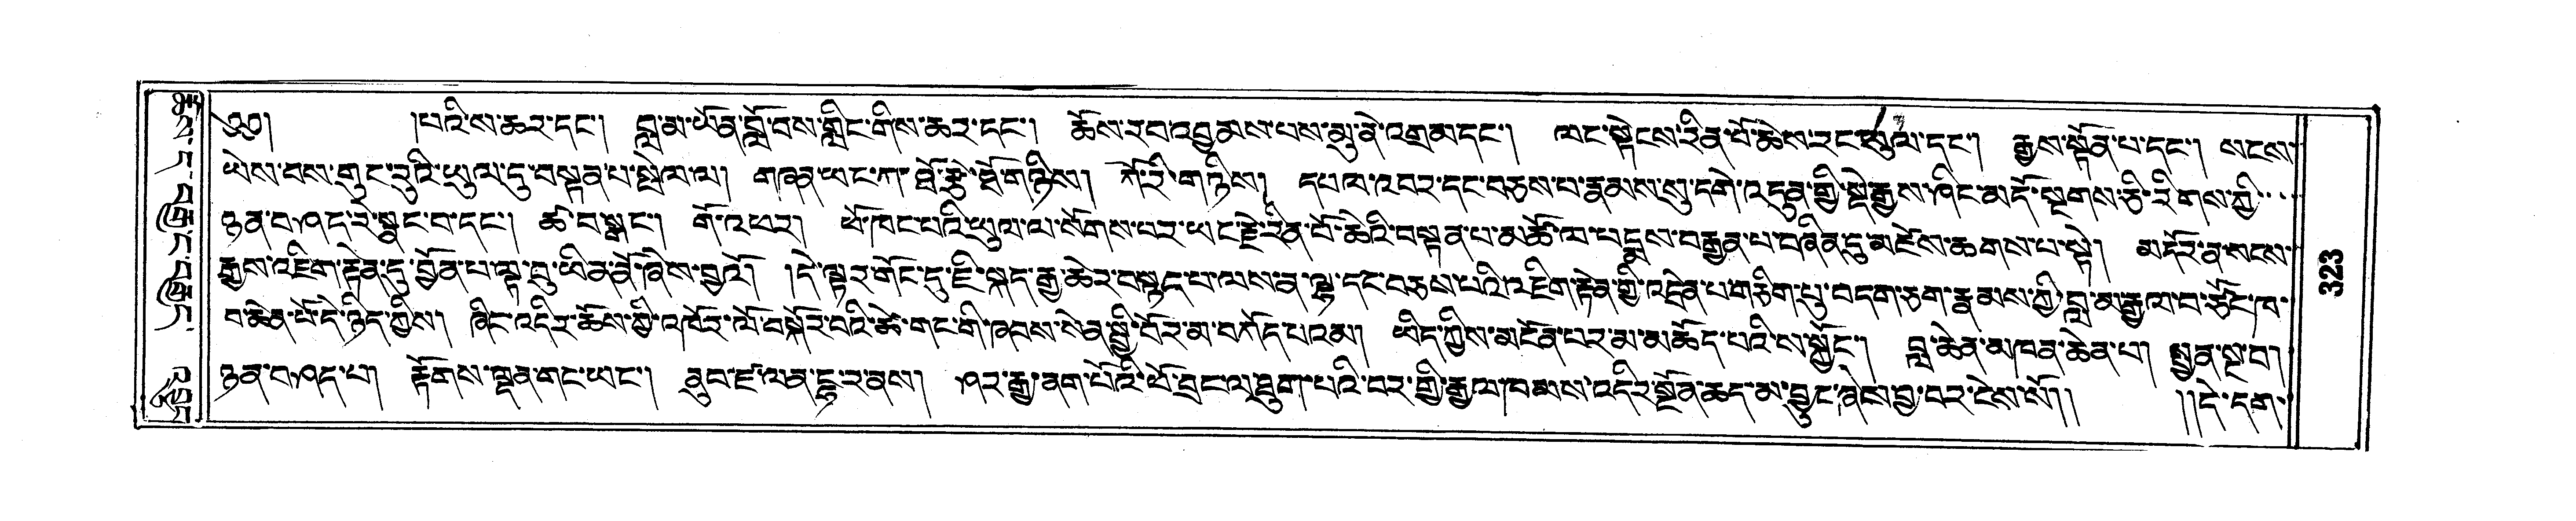༄༅། །པའི་ས་ཆར་དང་། བླ་མ་ཡོན་བློ་བས་གླིང་གིས་ཆར་དང་། ཆོས་རབ་འབྱམས་པས་མུ་ནེ་འགྲམ་དང་། ལང་སྟེངས་རིན་པོ་ཆེས་རང་ཡུལ་དང་། རྒྱས་སྟོན་པ་དང་། སངས་
ཡེས་པས་གུང་རུའི་ཡུལ་དུ་བསྟན་པ་སྤེལ་ལ། གཞན་ཡང་ཀ་ཐོ་རྩེ་ཐོ་གཉིས། ཀོ་རི་གཉིས། དཔལ་འབར་དང་བཅས་པ་རྣམས་སུ་དགེ་འདུན་གྱི་སྡེ་རྒྱས་ཤིང་མདོ་སྔགས་ཅི་རིགས་ཀྱི་ཉན་བཤད་རེ་སྣང་བ་དང་། ཚ་བ་སྒང་། གོ་འཕར། ཕོ་ཁང་པའི་ཡུལ་ལ་སོགས་པར་ཡང་རྗེ་རིན་པོ་ཆེའི་བསྟན་པ་མཚོ་ལ་པདམས་བརྒྱན་པ་བཞིན་དུ་མཛེས་ཆགས་པ་སྟེ། མདོར་ན་སངས་
རྒྱས་འཇིག་རྟེན་དུ་བྱོན་པ་ལྟ་བུ་ཡིན་ནོ་ཞེས་བྱའོ། །དེ་ལྟར་གོང་དུ་ཇི་སྐད་རྒྱ་ཆེར་བསྙད་པ་ལས་ན་ལྷ་དང་བཅས་པའི་འཇིག་རྟེན་གྱི་འདྲེན་པ་གཅིག་པུ་བདག་ཅག་རྣམས་ཀྱི་བླ་མ་རྒྱལ་བ་ཙོང་ཁ་
བ་ཆེན་པོ་དེ་ཉིད་ཀྱིས། ཞིང་འདིར་ཆོས་ཀྱི་འཁོར་ལོ་བསྐོར་བའི་ཚེ་གང་གི་ཞབས་སེན་སྤྱི་བོར་མ་བཀོད་པའམ། ཡིད་ཀྱིས་མངོན་པར་མ་མཆོད་པའི་ས་སྐྱོང་། བླ་ཆེན་མཁན་ཆེན་པ། སྤྱན་སྔ་བ།
ཉན་བཤད་པ། རྟོགས་ལྡན་གང་ཡང་། ནུབ་ཛ་ལན་དྷ་ར་ནས། ཤར་རྒྱ་ནག་པོའི་ཕོ་བྲང་ལ་ཐུག་པའི་བར་གྱི་རྒྱལ་ཁམས་འདིར་སྔོན་ཆད་མ་བྱུང་ཞེས་བྱ་བར་ངེས་སོ།། །།དེ་དག་